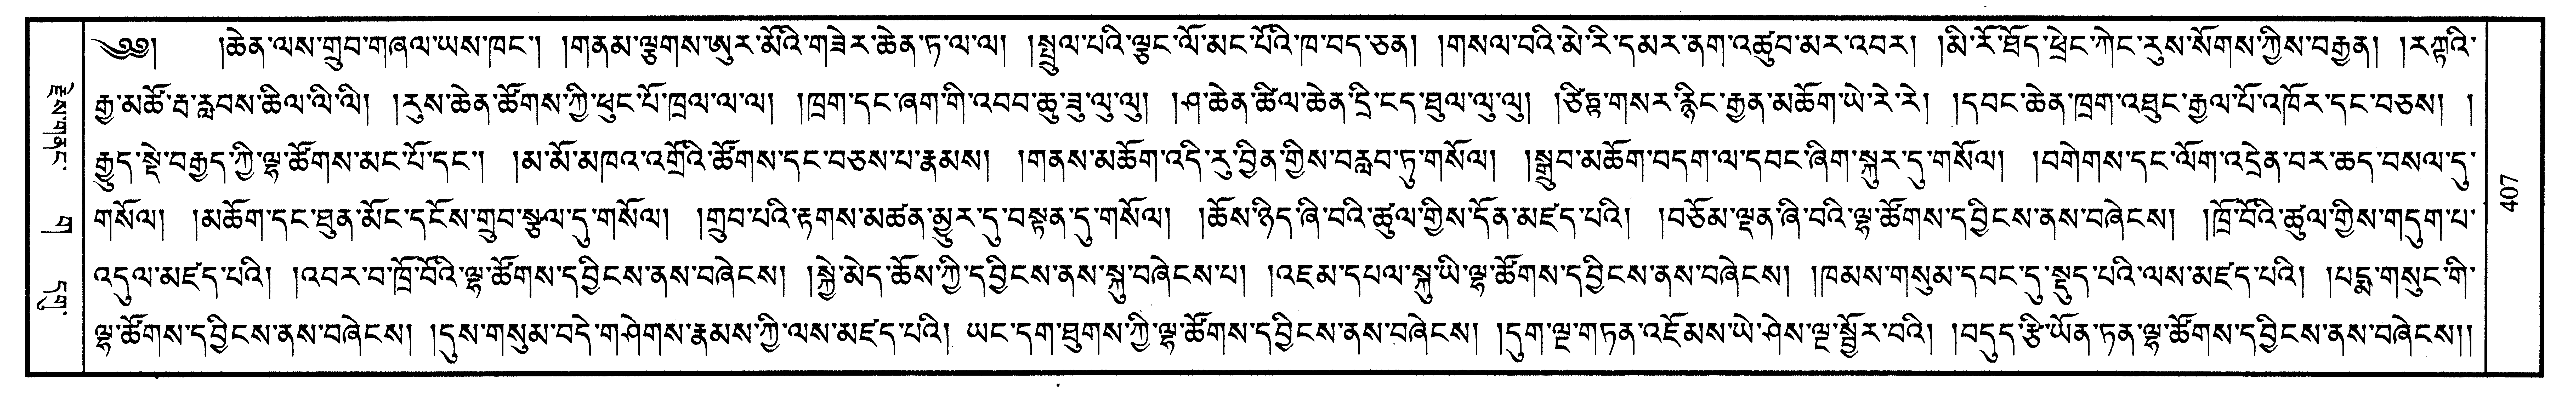༄༅། །ཆེན་ལས་གྲུབ་གཞལ་ཡས་ཁང་། །གནམ་ལྕགས་ཨུར་མོའི་གཟེར་ཆེན་ཏ་ལ་ལ། །སྤྲུལ་པའི་ལྕང་ལོ་མང་པོའི་ཁ་བད་ཅན། །གསང་བའི་མེ་རི་དམར་ནག་འཚུབ་མར་འབར། །མི་རོ་ཐོད་ཕྲེང་ཀེང་རུས་སོགས་ཀྱིས་བརྒྱན། །རཀྟའི་
རྒྱ་མཚོ་རྦ་རླབས་ཆིལ་ལི་ལི། །རུས་ཆེན་ཚོགས་ཀྱི་ཕུང་པོ་ཁྲལ་ལ་ལ། །ཁྲག་དང་ཞག་གི་འབབ་ཆུ་ཟུ་ལུ་ལུ། །ཤ་ཆེན་ཚིལ་ཆེན་དྲི་ངད་ཐུལ་ལུ་ལུ། །ཙིཏྟ་གསར་རྙིང་རྒྱན་མཆོག་ཡེ་རེ་རེ། །དབང་ཆེན་ཁྲག་འཐུང་རྒྱལ་པོ་འཁོར་དང་བཅས། །
རྒྱུད་སྡེ་བརྒྱད་ཀྱི་ལྷ་ཚོགས་མང་པོ་དང་། །མ་མོ་མཁའ་འགྲོའི་ཚོགས་དང་བཅས་པ་རྣམས། །གནས་མཆོག་འདི་རུ་བྱིན་གྱིས་བརླབ་ཏུ་གསོལ། །སྒྲུབ་མཆོག་བདག་ལ་དབང་ཞིག་སྐུར་དུ་གསོལ། །བགེགས་དང་ལོག་འདྲེན་བར་ཆད་བསལ་དུ་
གསོལ། །མཆོག་དང་ཐུན་མོང་དངོས་གྲུབ་སྩལ་དུ་གསོལ། །གྲུབ་པའི་རྟགས་མཚན་མྱུར་དུ་བསྟན་དུ་གསོལ། །ཆོས་ཉིད་ཞི་བའི་ཚུལ་གྱིས་དོན་མཛད་པའི། །བཅོམ་ལྡན་ཞི་བའི་ལྷ་ཚོགས་དབྱིངས་ནས་བཞེངས། །ཁྲོ་བོའི་ཚུལ་གྱིས་གདུག་པ་
འདུལ་མཛད་པའི། །འབར་བ་ཁྲོ་བོའི་ལྷ་ཚོགས་དབྱིངས་ནས་བཞེངས། །སྐྱེ་མེད་ཆོས་ཀྱི་དབྱིངས་ནས་སྐུ་བཞེངས་པ། །འཇམ་དཔལ་སྐུ་ཡི་ལྷ་ཚོགས་དབྱིངས་ནས་བཞེངས། །ཁམས་གསུམ་དབང་དུ་སྡུད་པའི་ལས་མཛད་པའི། །པདམ་གསུང་གི་
ལྷ་ཚོགས་དབྱིངས་ནས་བཞེངས། །དུས་གསུམ་བདེ་གཤེགས་རྣམས་ཀྱི་ལས་མཛད་པའི། ཡང་དག་ཐུགས་ཀྱི་ལྷ་ཚོགས་དབྱིངས་ནས་བཞེངས། །དུག་ལྔ་གཏན་འཇོམས་ཡེ་ཤེས་ལྔ་སྦྱོར་བའི། །བདུད་རྩི་ཡོན་ཏན་ལྷ་ཚོགས་དབྱིངས་ནས་བཞེངས།།